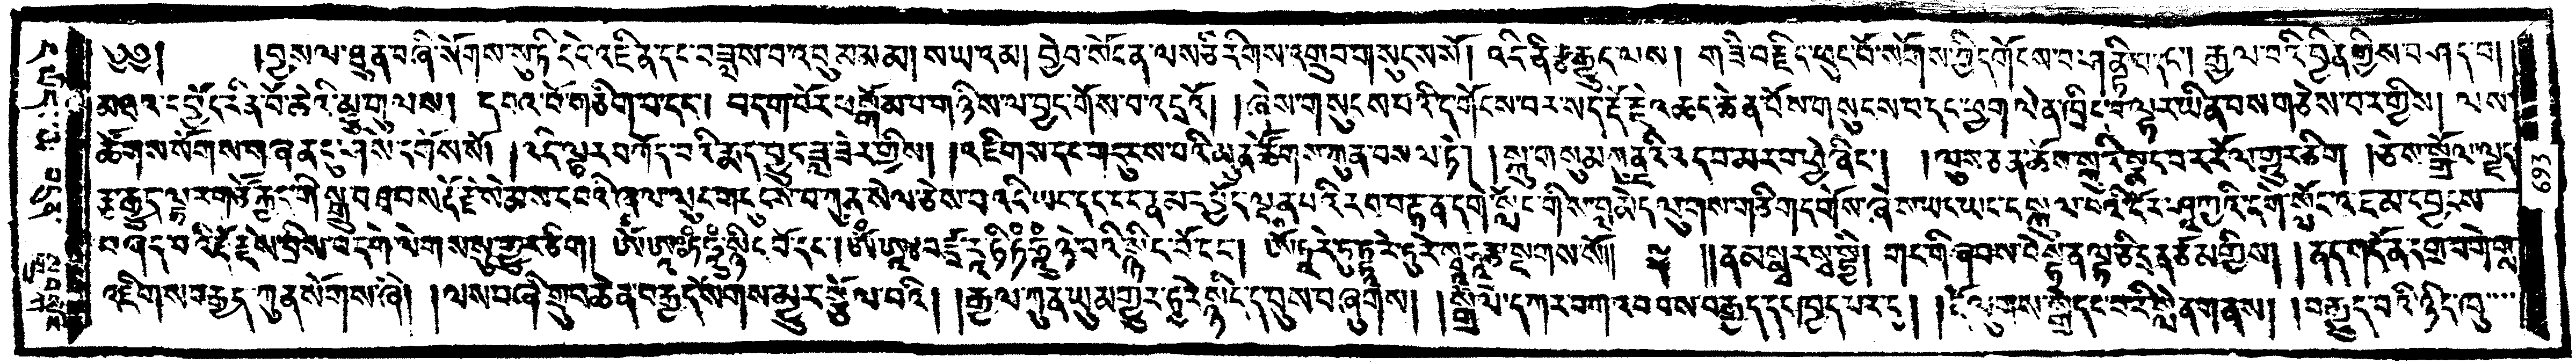༄༅། །བྱས་ལ་ཐུན་བཞི་སོགས་སུ་ཏིང་ངེ་འཛིན་དང་བཟླས་བ་འབུམ་མམ། ས་ཡ་འམ། བྱེ་བ་སོང་ན་ལས་ཅི་རིགས་འགྲུབ་གསུངས་སོ། འདི་ནེ་རྩ་རྒྱུད་ལས། གཟི་བརྗིད་ཕུང་བོ་སོགས་ཀྱི་དགོངས་བ་ཤནྟི་པ་དང་། རྒྱལ་བའི་བྱིན་གྱིས་བཤད་པ།
མཐའ་དབྱོད་རིན་པོ་ཆེའི་མྱུ་གུ་ལས། དཔའ་པོ་གཅིག་པ་དང་། བདག་པོར་བསྒོམ་པ་གཉིས་ལ་བྱང་གོས་བ་འདྲའོ། །ཞེས་གསུངས་བའི་དགོངས་བར་སྲད་རྡོ་རྗེ་འཆད་ཆེན་པོས་གསུངས་བ་དང་ཕྱག་ལེན་ཁྲིད་བ་ལྟར་ཡིན་པས་གཅེས་བར་གྱིས། ལས་
ཚོགས་སོགས་གཞན་དུ་ཤེས་དགོས་སོ། །འདི་ལྟར་བཀོད་བའི་རྨད་བྱུང་ཟླ་ཟེར་གྱིས། །འཇིགས་དང་གདུངས་བའི་མུན་ཚོགས་ཀུན་བསལ་ཏེ། །སྐུ་གསུམ་ཀུནྡའི་འདབ་མར་བ་ཕྱེ་ཞིང་། །ལུས་ཅན་ཆོས་སྐུའི་སྣང་བར་རོལ་གྱུར་ཅིག །ཅེས་སྒྲོལ་ལྗང་
རྩ་རྒྱུད་ལྟར་གཙོ་རྐྱང་གི་སྒྲུབ་ཐབས་རྡོ་རྗེ་སེམས་དཔའི་ཞལ་ལུང་གདུངས་བ་ཀུན་སེལ་ཅེས་པ་འདི་ཡང་དང་ངང་རྣམ་དཔྱོད་ལྡན་པའི་རབ་བརྟན་དགེ་སློང་གིས་བླ་མེད་ལུགས་གཅིག་དགོས་ཞེས་ཡང་ཡང་དྶྐུལ་བའི་དོར་ཤཱཀྱའི་དགེ་སློང་འཇམ་དབྱངས་
བཞད་བའི་རྡོ་རྗེས་བྲིས་བ་དགེ་ལེགས་སུ་གྱུར་ཅིག། ཨོཾ་ཨཱཿ ཏཾ་ཧཱུཾ་སྙིང་པོ་དང་། ཨོཾ་ཨཱཿ བརྫྲ་རཱ་ཏི་ཏཾ་ཧཱུཾ་ཉེ་བའི་སྙིང་བོ་དང་། ཨོཾ་ཏཱ་རེ་ཏུ་ཏཱ་རེ་ཏུ་རེ་ཝྭཱ་ཧཱ་རྩ་སྔགས་སོ།། ༈ །།ནམ་སྶྭར་སྭ་ཤྱི། གང་གི་ཞབས་བེ་སྟན་ལྟ་ཅི་དྲན་ཙམ་གྱིས། །ནད་གདོན་དགྲ་བགེགས་
འཇིགས་བརྒྱད་ཀུན་སོགས་ཞི། །ལས་བཞི་གྲུབ་ཆེན་བརྒྱད་སོགས་མྱུར་སྕོལ་བའི། །རྒྱལ་ཀུན་ཡུམ་གྱུར་ཏཱ་རེ་སྙིང་དབུས་བཞུགས། །སྒྲོལ་དཀར་བཀའ་བབས་བརྒྱད་དང་ཁྱད་པར་དུ། །དོ་ལུགས་སྒྲེ་དང་བ་རི་སླེན་གནས། །བརྒྱུད་བའི་ཉིད་ཁུ་